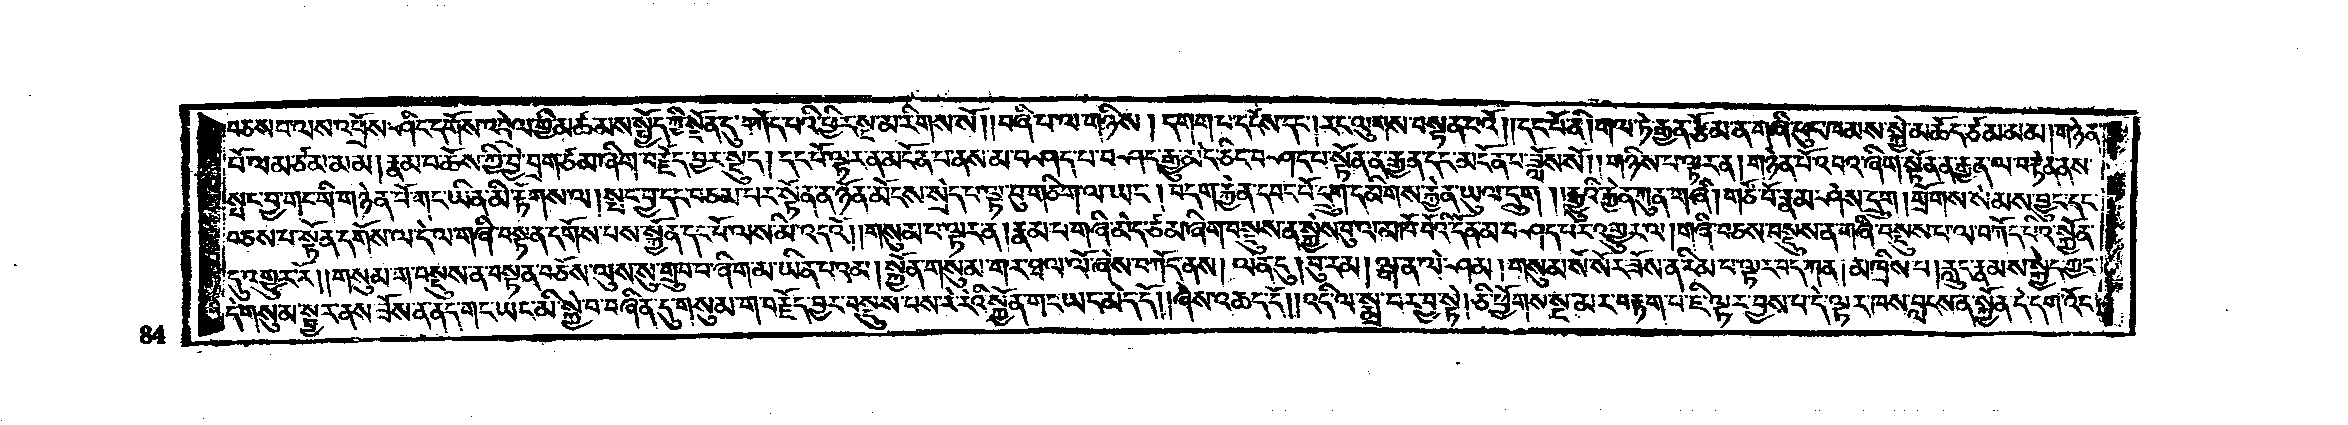བཅས་པ་ལས་འཕྲོས་ཤིང་དགོས་འབྲེལ་གྱི་མཚམས་སྤྱོད་ཀྱི་སྔོན་དུ་བཀོད་པའི་ཕྱིར་སྔ་མ་རིགས་སོ། །བཞི་པ་ལ་གཉིས། དགག་པ་དངོས་དང་། རང་ལུགས་བསྟན་པའོ། །དང་པོ་ནི། གལ་ཏེ་རྒྱན་རྩོམ་ན་གཞི་ཕུང་ཁམས་སྐྱེ་མཆེད་ཙམ་མམ། གཉེན་
པོ་ལམ་ཙམ་མམ། རྣམ་པ་ཆོས་ཀྱི་བྱེ་བྲག་ཙམ་ཞིག་བརྗོད་བྱར་སྡུད། དང་པོ་ལྟར་ན་མངོན་པ་ནས་མ་བཤད་པ་བཤད་རྒྱུ་མེད་ཅིང་བཤད་པ་སྟོན་ན་རྒྱན་དང་མངོན་པ་ཟློས་སོ། །གཉིས་པ་ལྟར་ན། གཉེན་པོ་འབའ་ཞིག་སྟོན་ན་རྒྱན་ལ་བརྟེན་ནས་
སྤང་བྱ་གང་གི་གཉེན་པོ་གང་ཡིན་མི་རྟོགས་ལ། སྤང་བྱ་དང་བཅས་པར་སྟོན་ན་ཉོན་མོངས་སྲེད་པ་ལྟ་བུ་གཅིག་ལ་ཡང་། བདག་རྐྱེན་དབང་པོ་དྲུག་དམིགས་རྐྱེན་ཡུལ་དྲུག །རྒྱུའི་རྐྱེན་ཀུན་གཞི། གཙོ་བོ་རྣམ་ཤེས་དྲུག །གྲོགས་སེམས་བྱུང་དང་
བཅས་པ་སྟོན་དགོས་ལ་དེ་ལ་གཞི་བསྟན་དགོས་པས་སྐྱོན་དང་པོ་ལས་མི་འདའོ། །གསུམ་པ་ལྟར་ན། རྣམ་པ་གཞི་མེད་ཙམ་ཞིག་བསྡུས་ན་སྐྱེས་བུ་ལ་མཁོ་བོའི་དོན་མ་བཤད་པར་འགྱུར་ལ། གཞི་བཅས་བསྡུས་ན་གཞི་བསྡུས་པ་ལ་བཀོད་པའི་སྐྱོན་
དུ་འགྱུར་རོ། །གསུམ་ག་བསྡུས་ན་བསྟན་བཅོས་ལུས་སུ་གྲུབ་པ་ཞིག་མ་ཡིན་པའམ། སྐྱོན་གསུམ་གར་ཐལ་ལོ་ཞེས་བཀོད་ནས། ལན་དུ། བུ་རམ། ལྒ་ན་ལེ་ཤམ། གསུམ་སོ་སོར་ཟོས་ན་རིམ་པ་ལྟར་བད་ཀན། མཁྲིས་པ། རླུང་རྣམས་སྐྱེད་ཀྱང་
དེ་གསུམ་སྦྱར་ནས་ཟོས་ན་ནད་གང་ཡང་མི་སྐྱེ་བ་བཞིན་དུ་གསུམ་ག་བརྗོད་བྱར་བསྡུས་པས་རེ་རེའི་སྐྱོན་གང་ཡང་མེད་དོ། །ཞེས་འཆད་དོ། །འདི་ལ་སྨྲ་བར་བྱ་སྟེ། ཅི་ཕྱོགས་སྔ་མར་བརྟག་པ་ཇི་ལྟར་བྱས་པ་དེ་ལྟར་ཁས་བླངས་ན་སྐྱོན་དེ་དག་འོང་